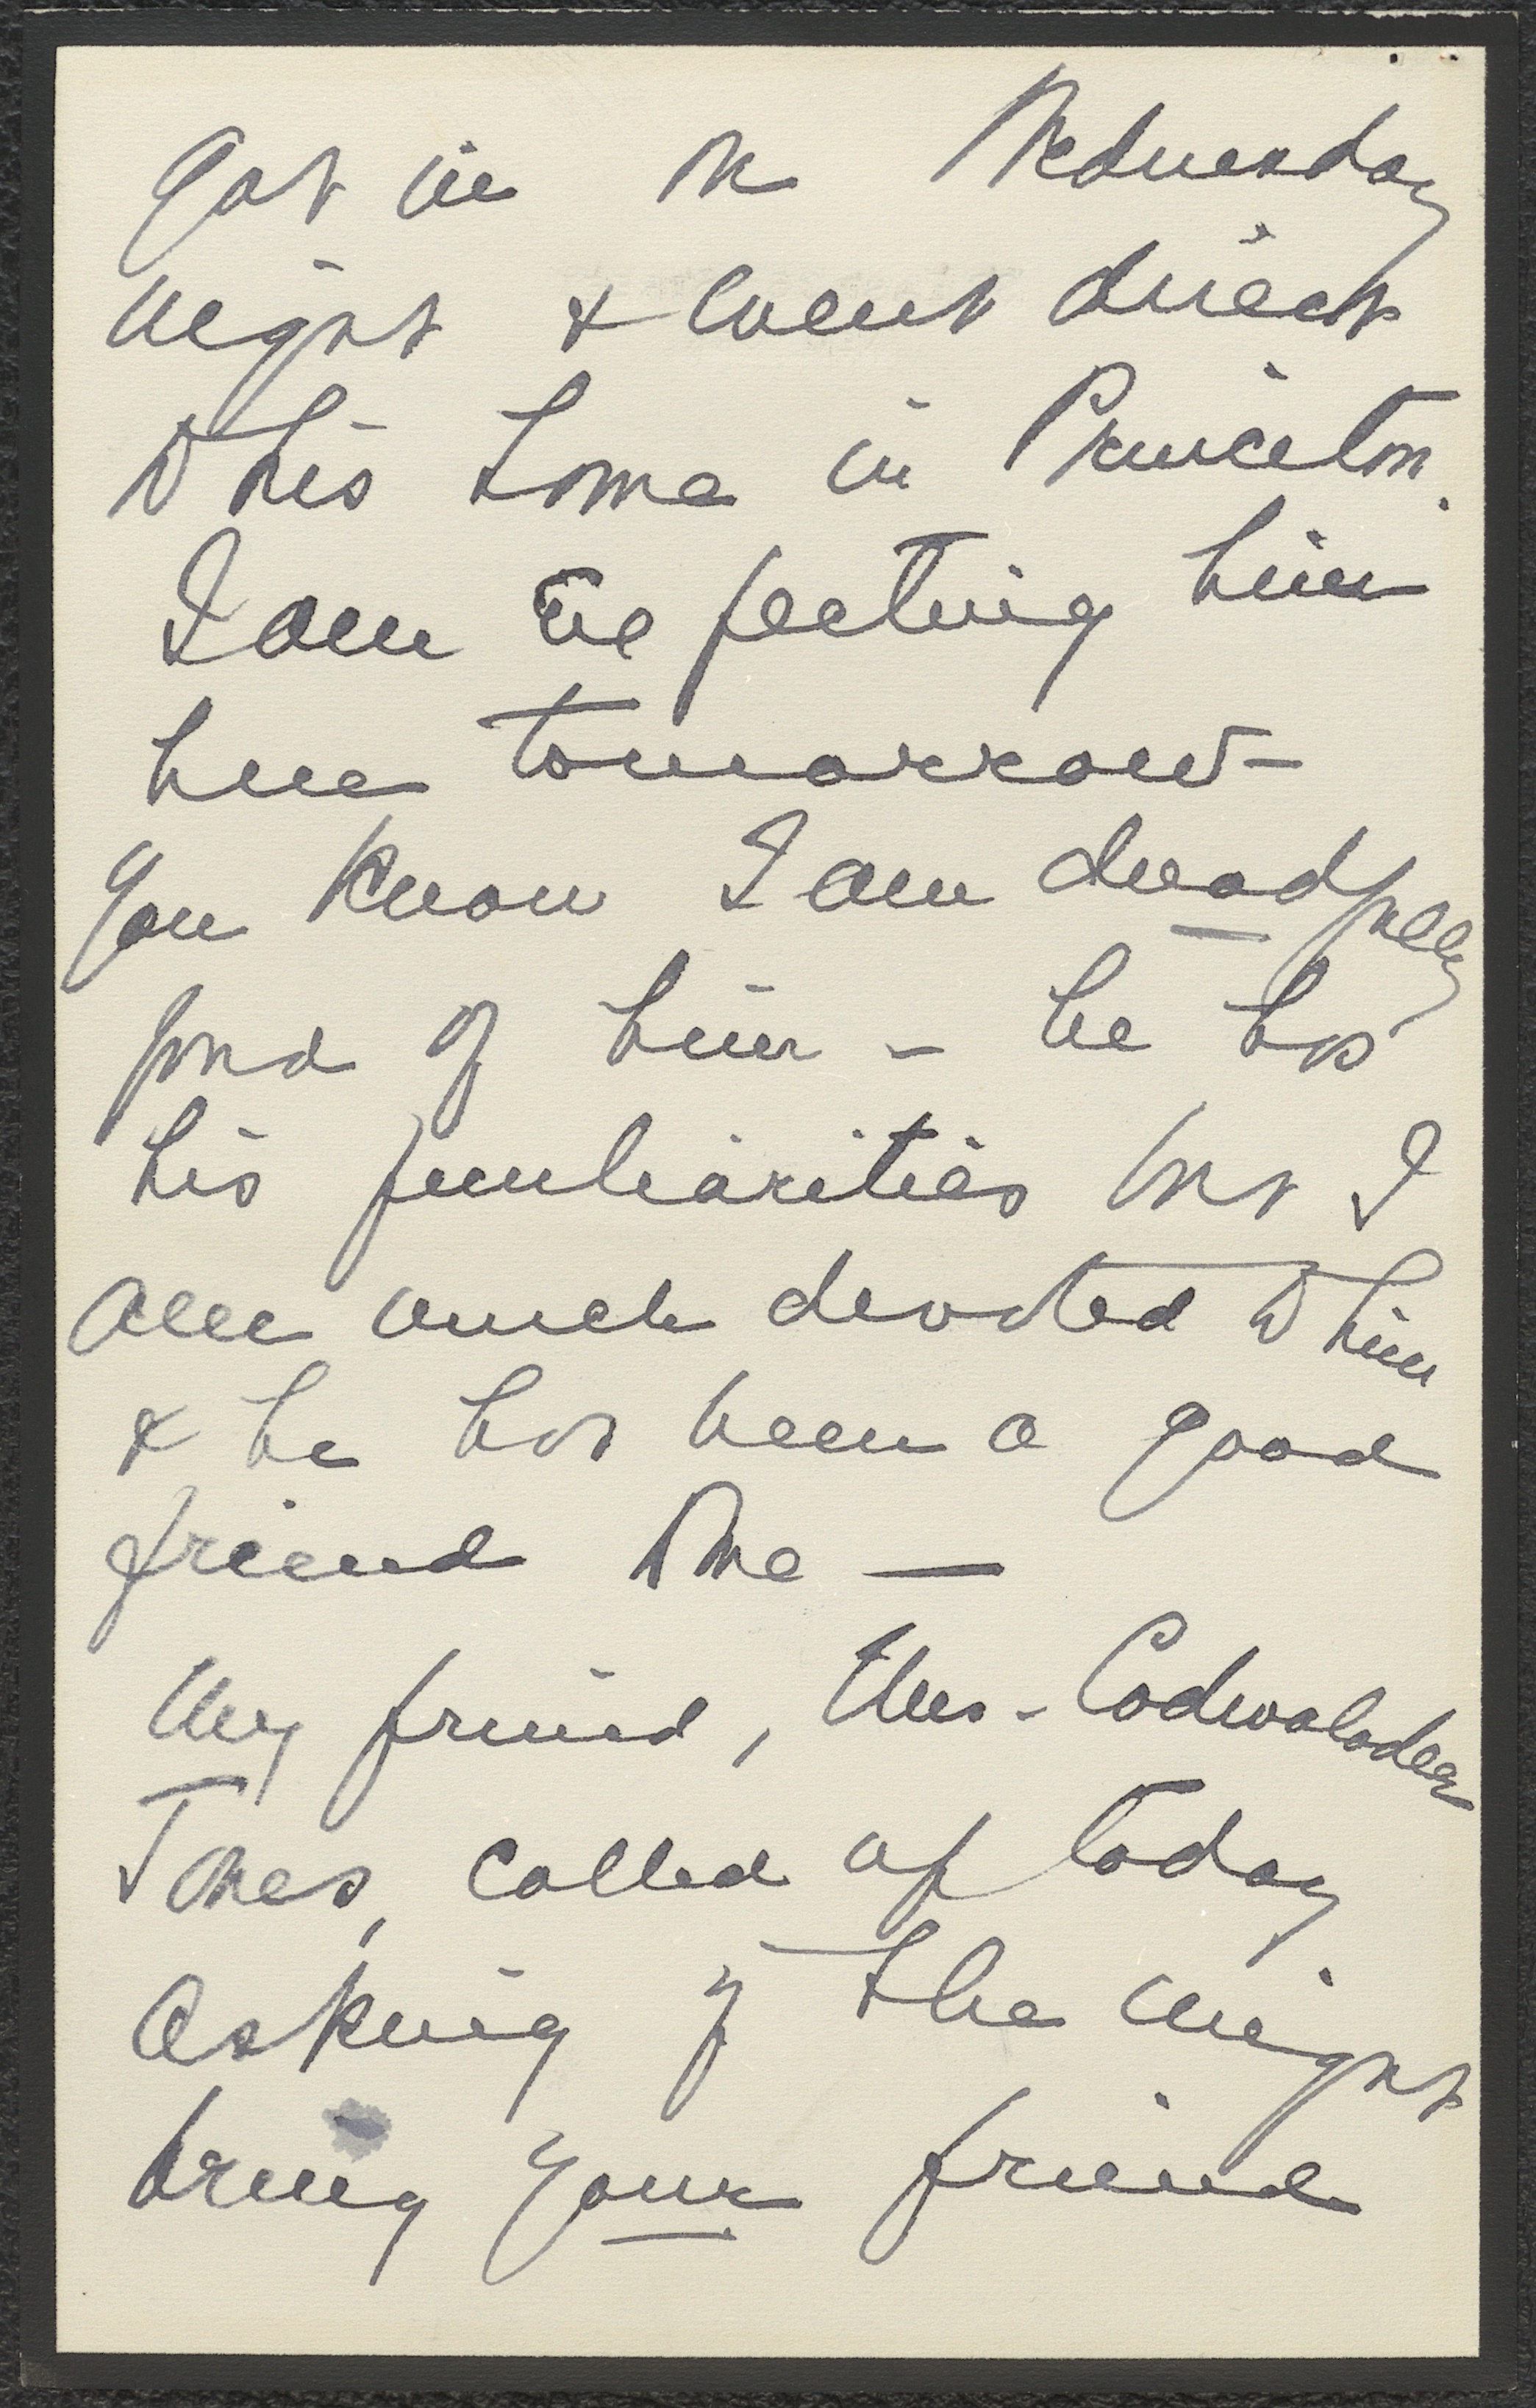got in on Wednesday night & went direct to his home in Princeton. I am expecting him here tomorrow – You know I am dreadfully fond of him – he has his peculiarities but I am much devoted to him & he has been a good friend to me –
My friend, Mrs. Cadwalader Jones called up today asking if she might bring your friend